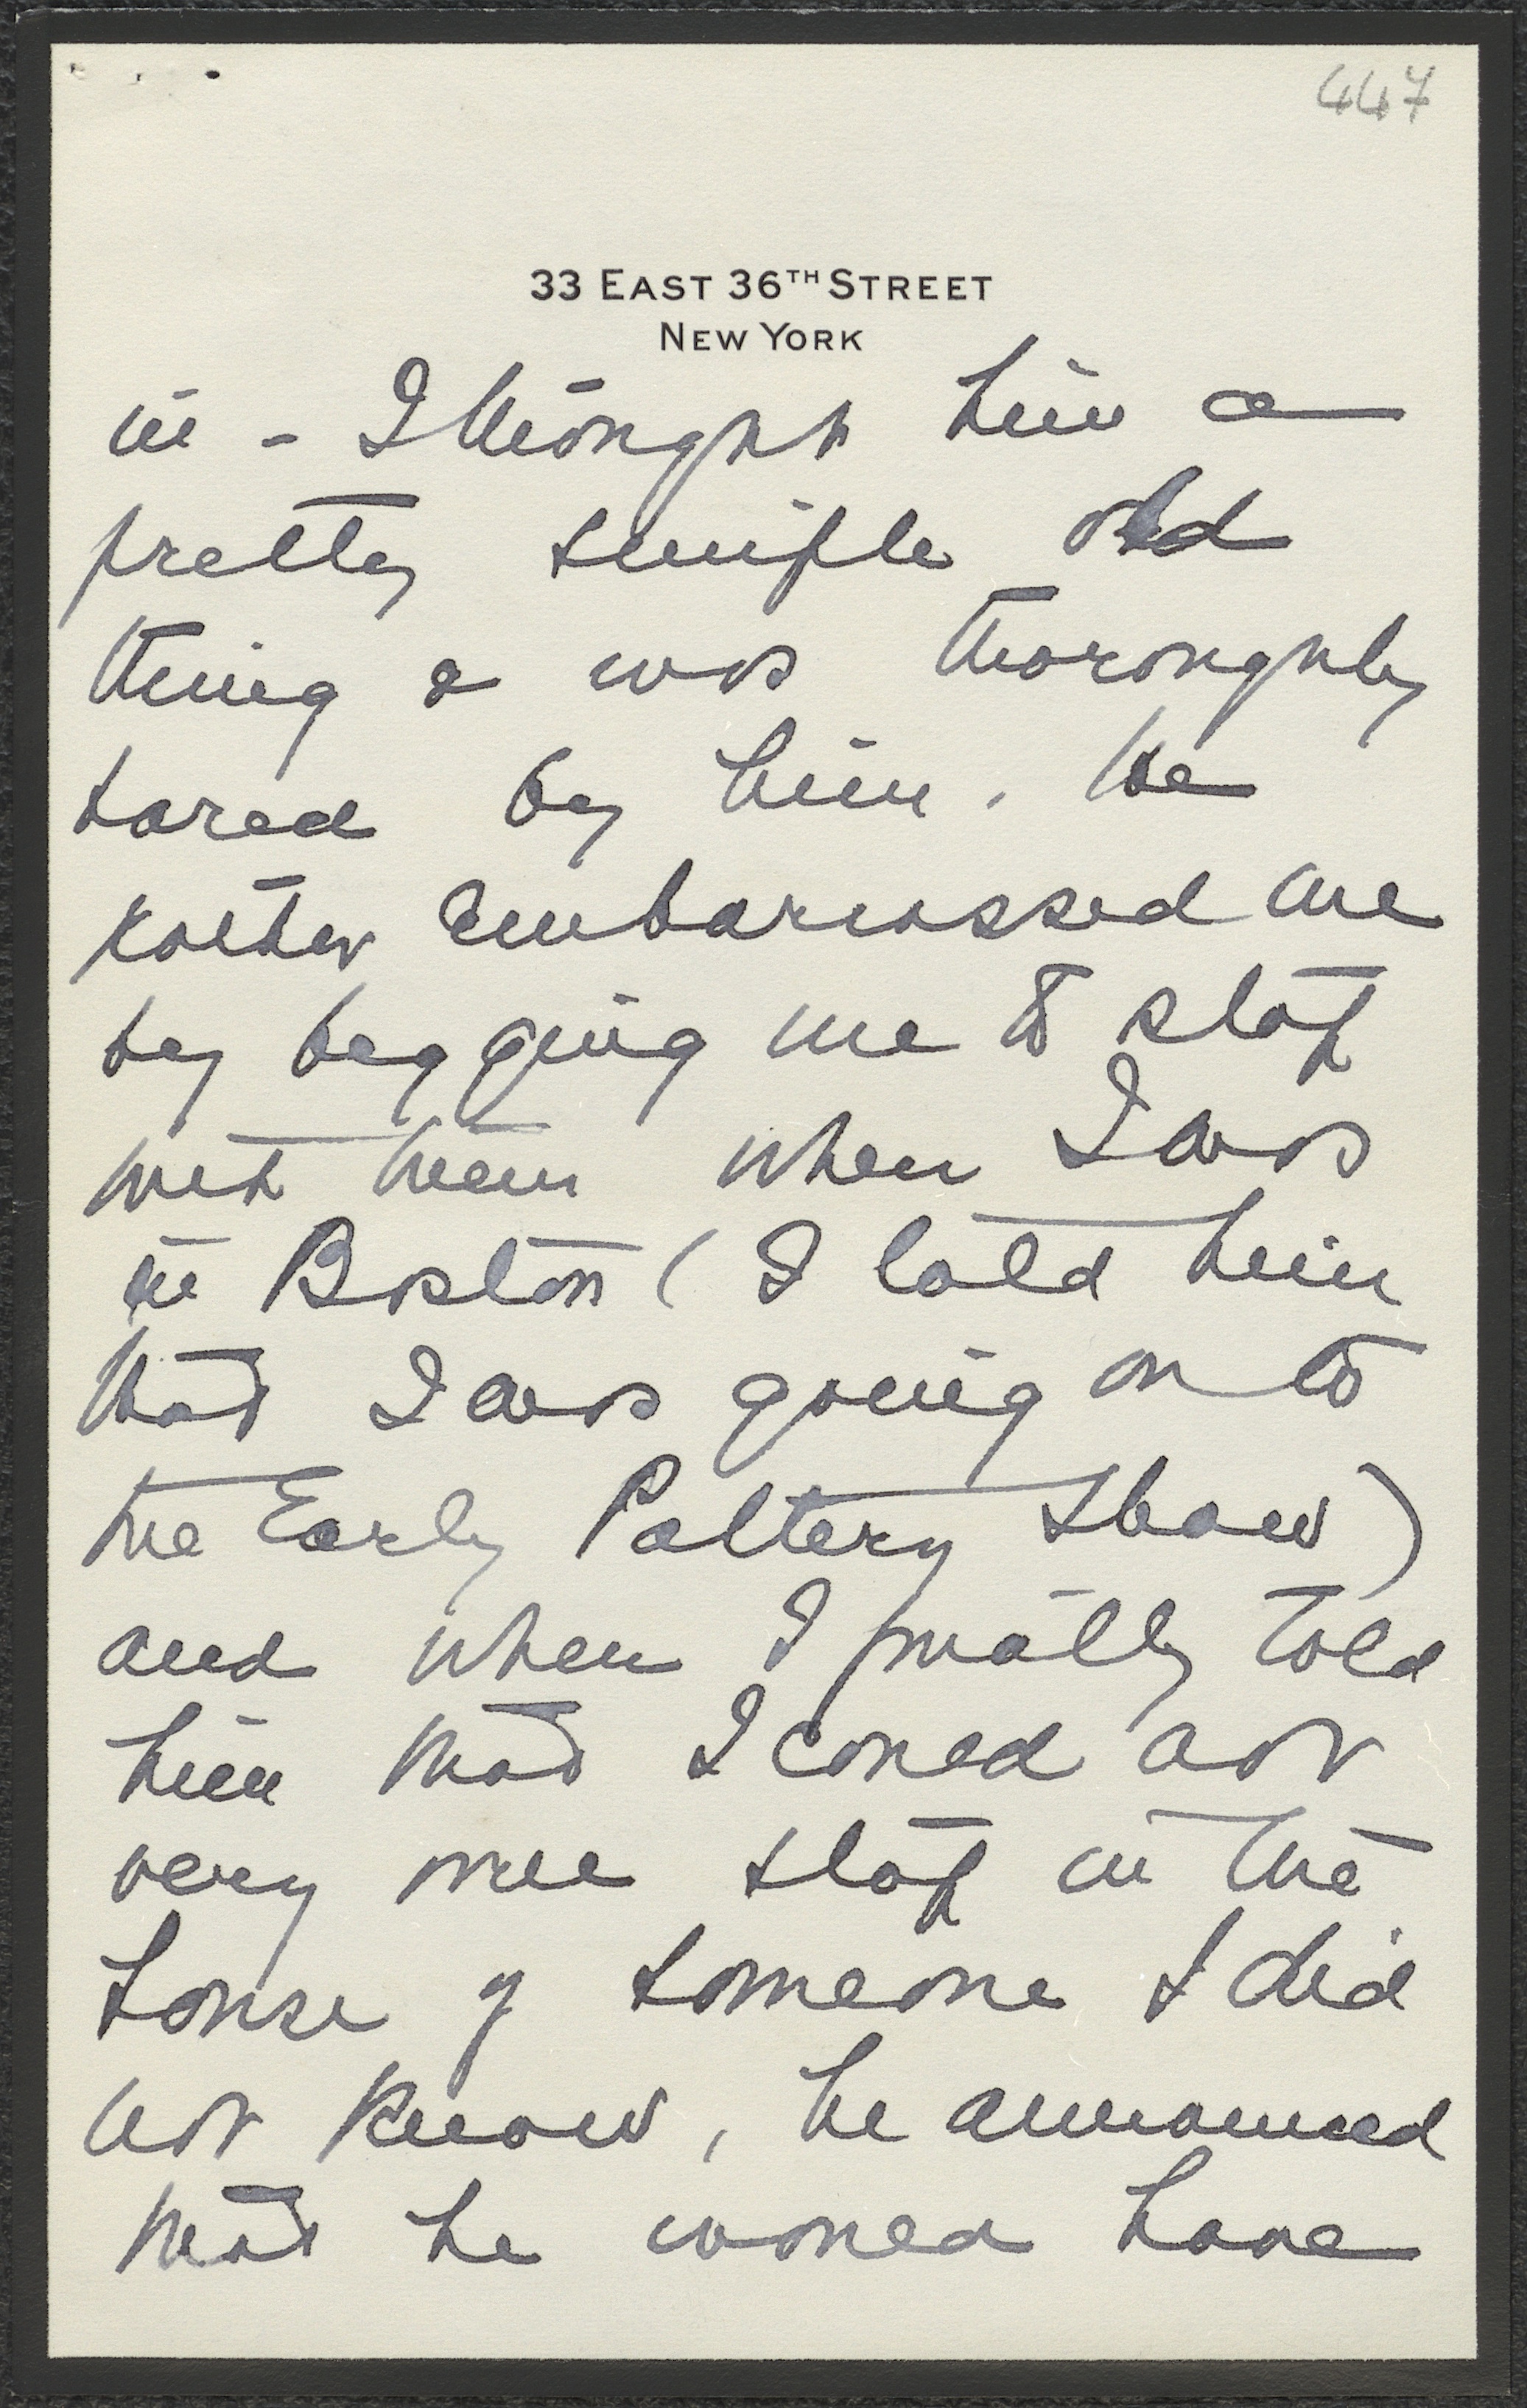in – I thought him a pretty simple old thing & was thoroughly bored by him. He rather embarrassed me by begging me to st with him when I was in Boston (I told him that I was going on to the Early Pottery show) and when I finally told him that I could not very well stop in the house of someone I did not know, he announced that he would have